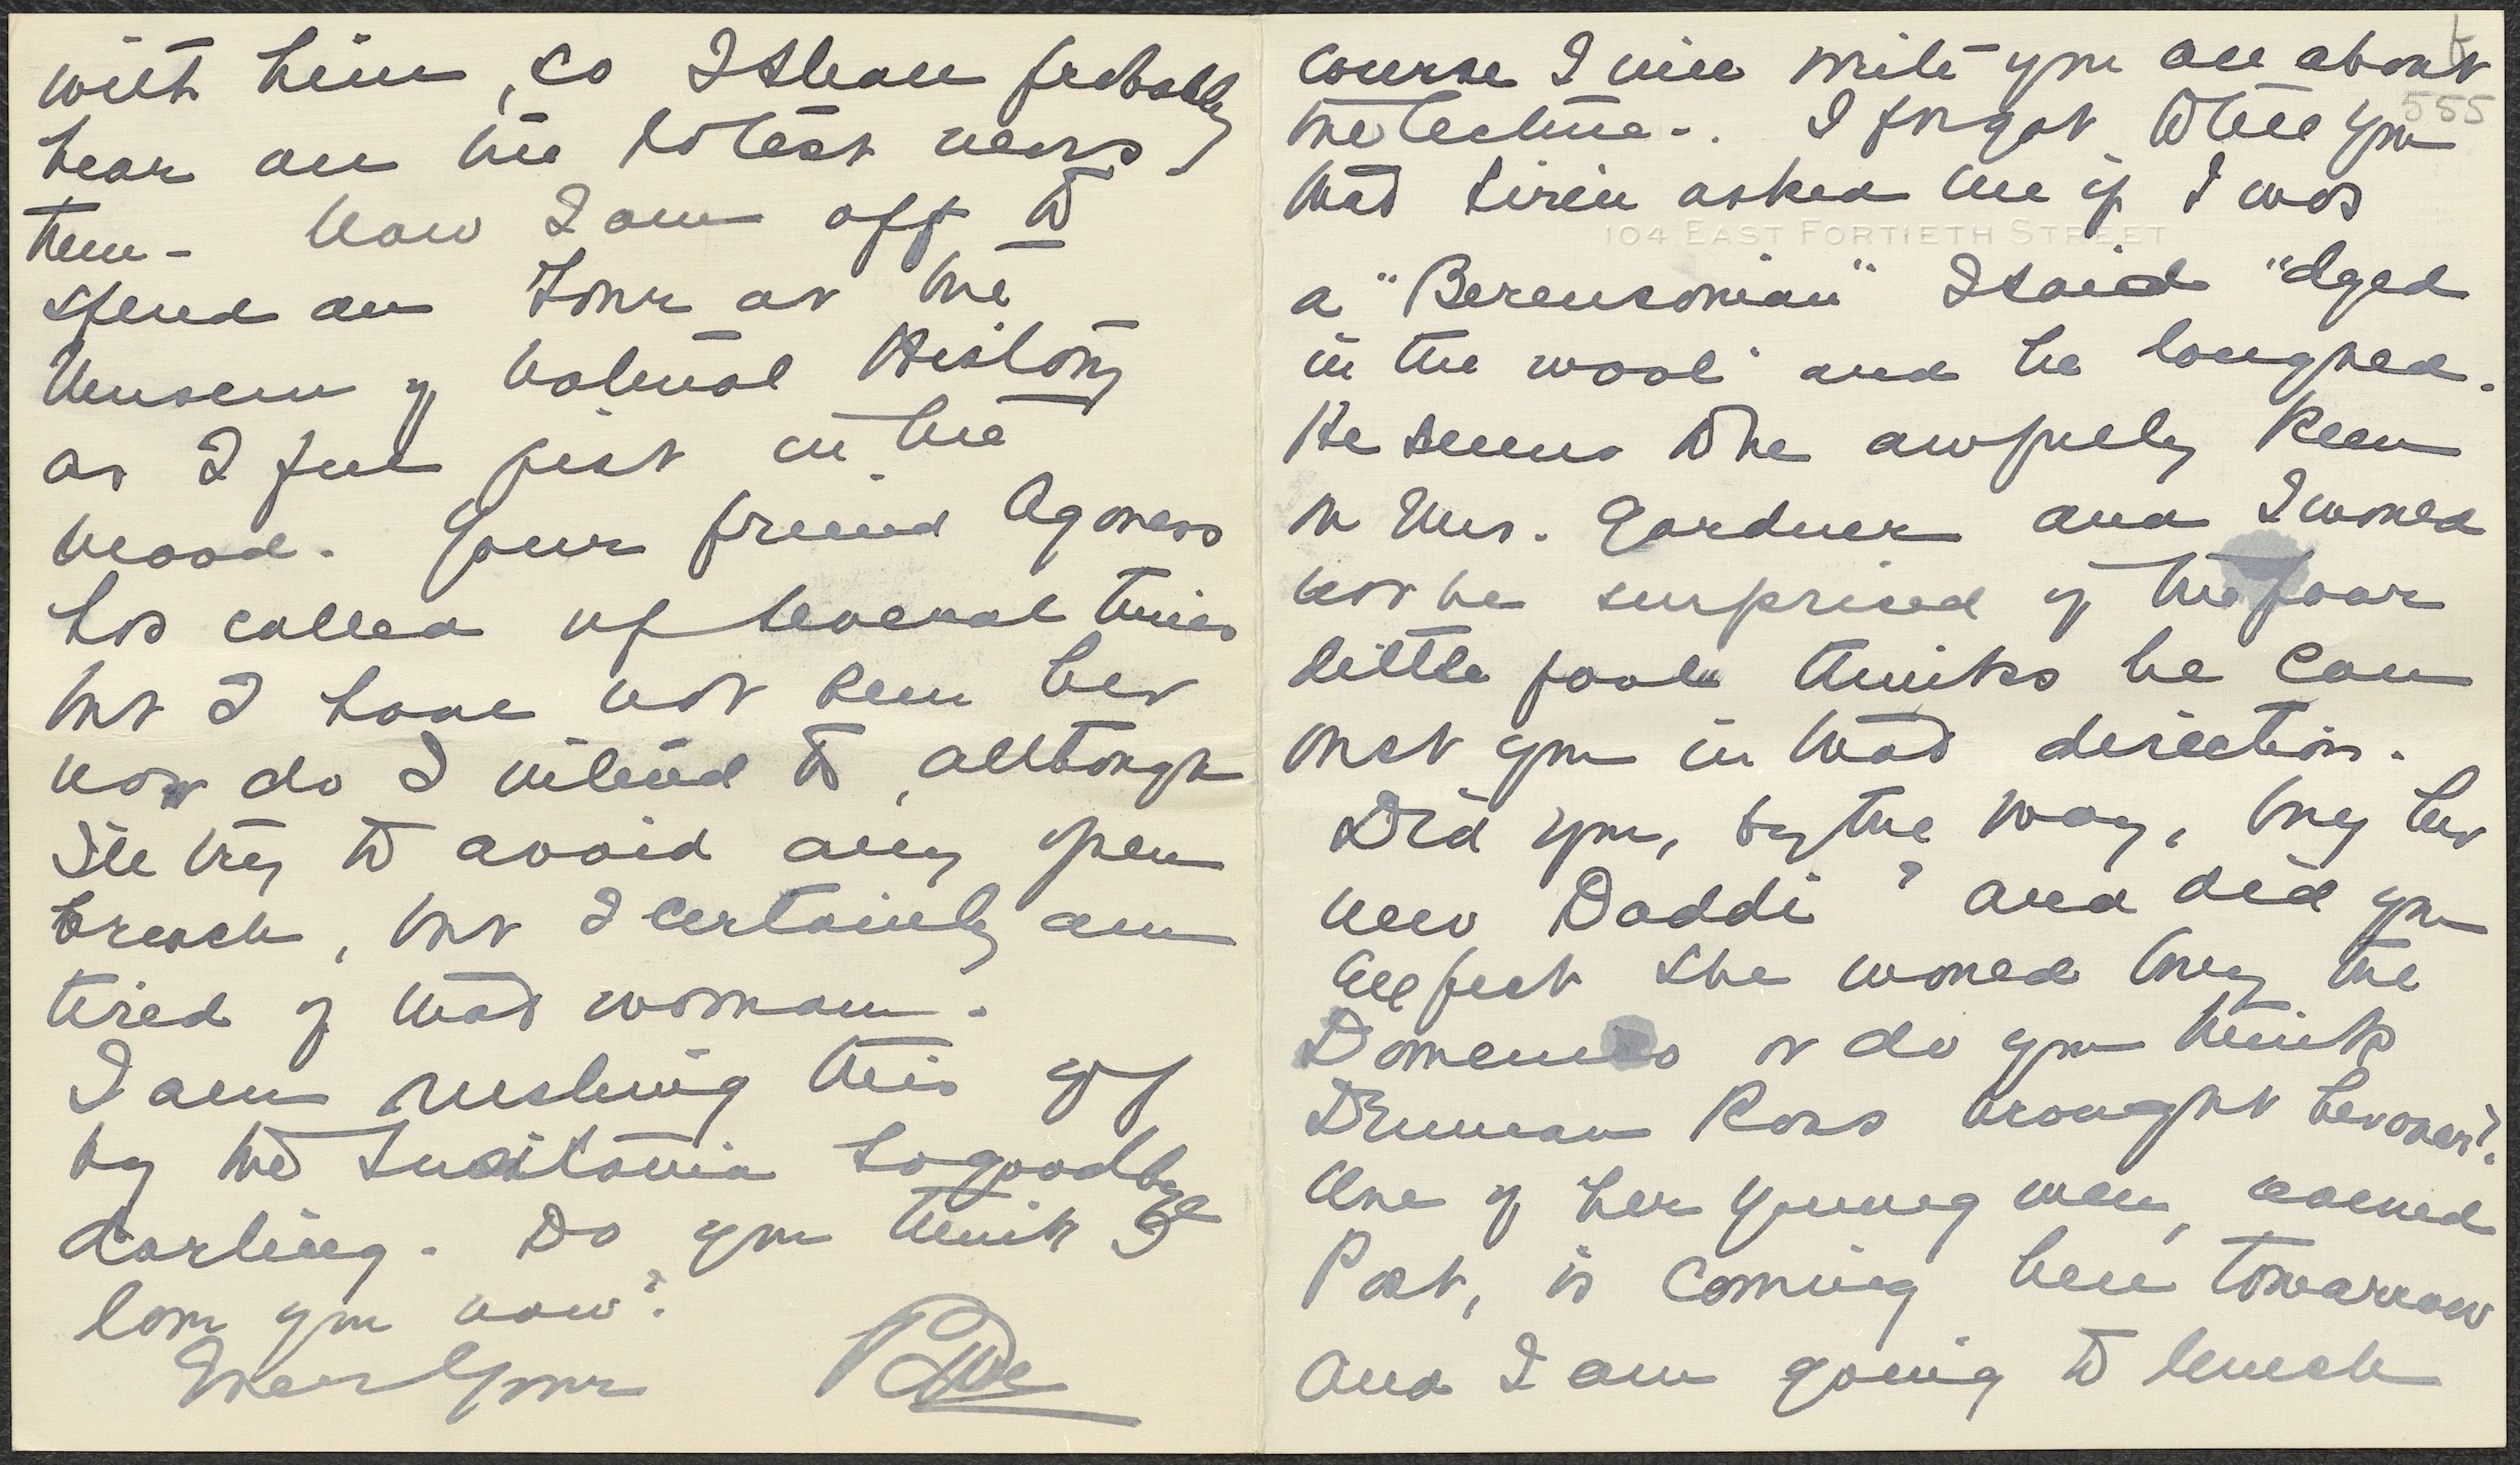course I will write you all about the lecture – I forgot to tell you that Sirén asked me if I was a “Berensonian” I said “dyed in the wool” and he laughed. He seems to be awfully keen on Mrs. Gardner and I would not be surprised if the poor little fool thinks he can oust you in that direction.
Did you, by the way, buy her new Daddi? and did you expect she would buy the Domencio or do you think Denman ross brought her over? One of her young men, named Post, is coming here tomorrow and I am going to lunch
with him, so I shall probably hear all the latest news there – Now I am off to spend an hour at the Museum of Natural History as I feel just in the mood – Your friend Agoness has called up several times but I have not seen her nor do I intend to, although I’ll try to avoid any open breach, but I certainly am tired of that woman –
I am rushing this off by the Lusitania so goodbye darling – Do you think I love you now?
Ever Your Belle